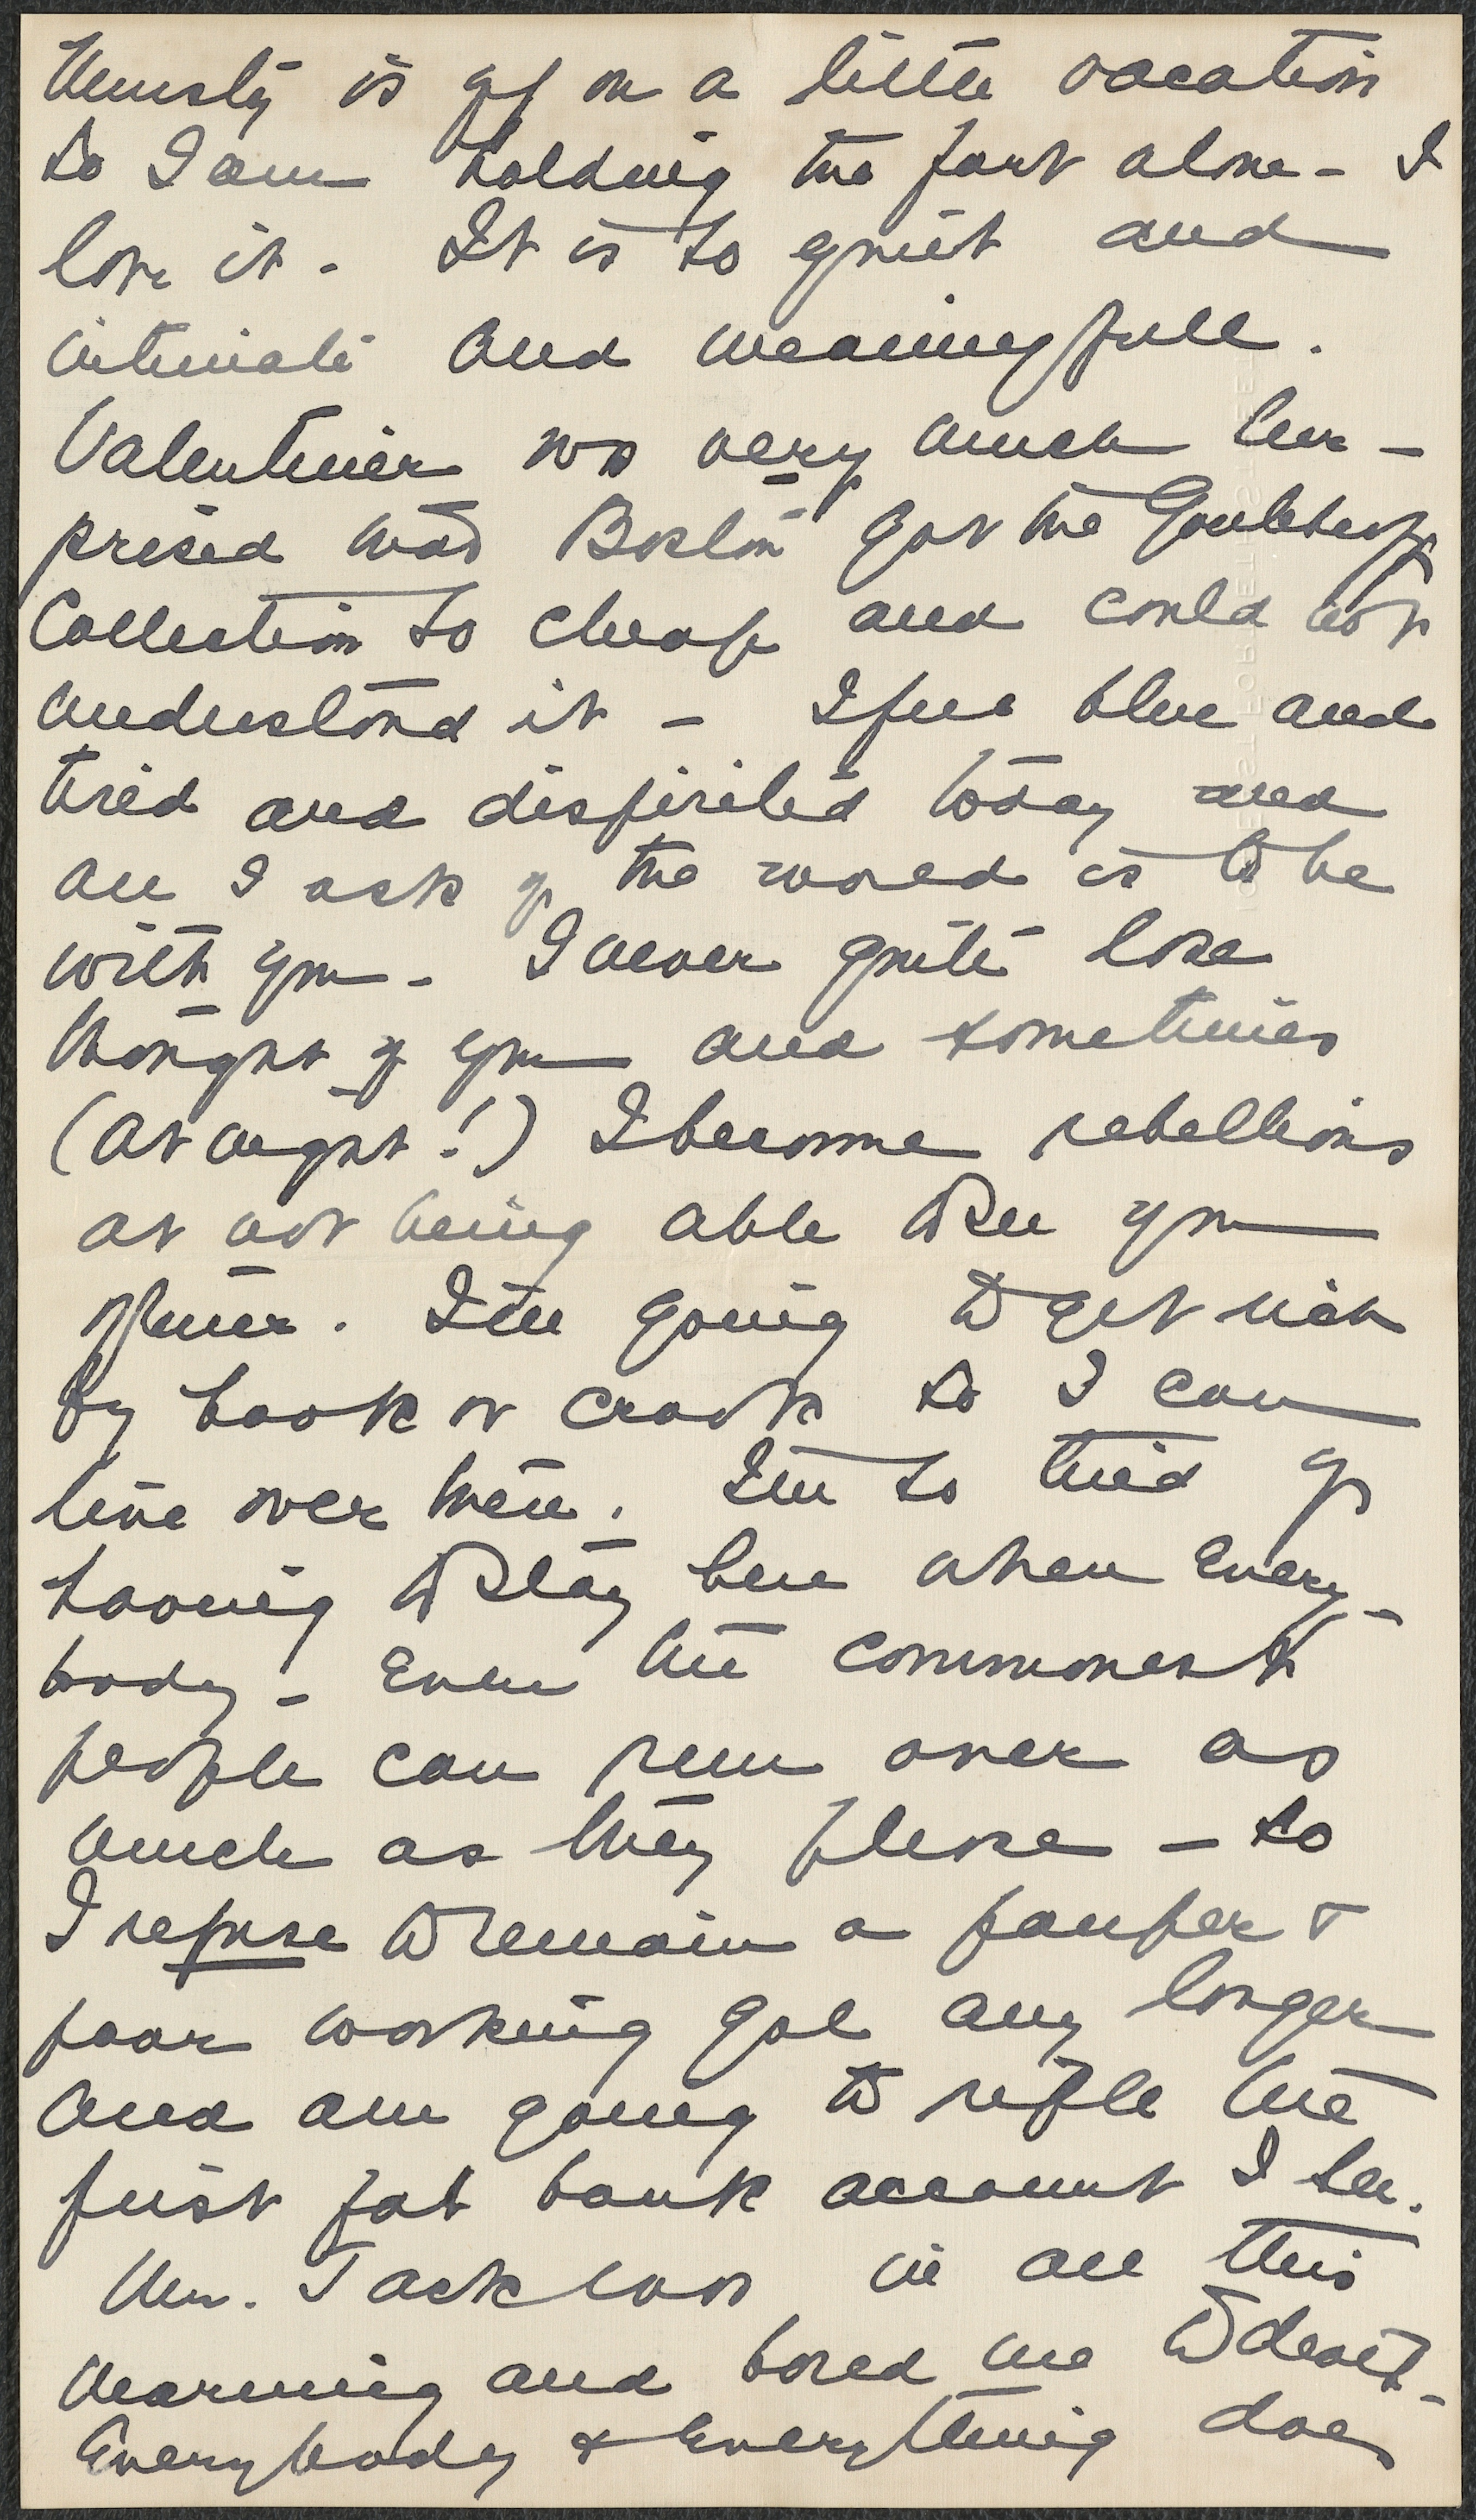Thursty is off on a little vacation so I am holding the fort alone – I love it – It is so quiet and intimate and meaningfull [sic]. Valentiner was very much surprised that Boston got the Goulebeff [sic] Collection so cheap and could not understand it – I feel blue and tired and dispirited today and all I ask of the world is to be with you – I never quite lose thought of you and sometimes (at night!) I become rebellious at not being able to see you oftener. I’m going to get rich by book or crook so I can live over there. I’m so tired of having to stay here when everybody – even the commonest people can run over as much as they please – so I refuse to remain a pauper & poor working gal any longer and am going to rifle the first fat bank account I see.
Mr. Jack was in all this morning and bored me to death – everybody & everything does